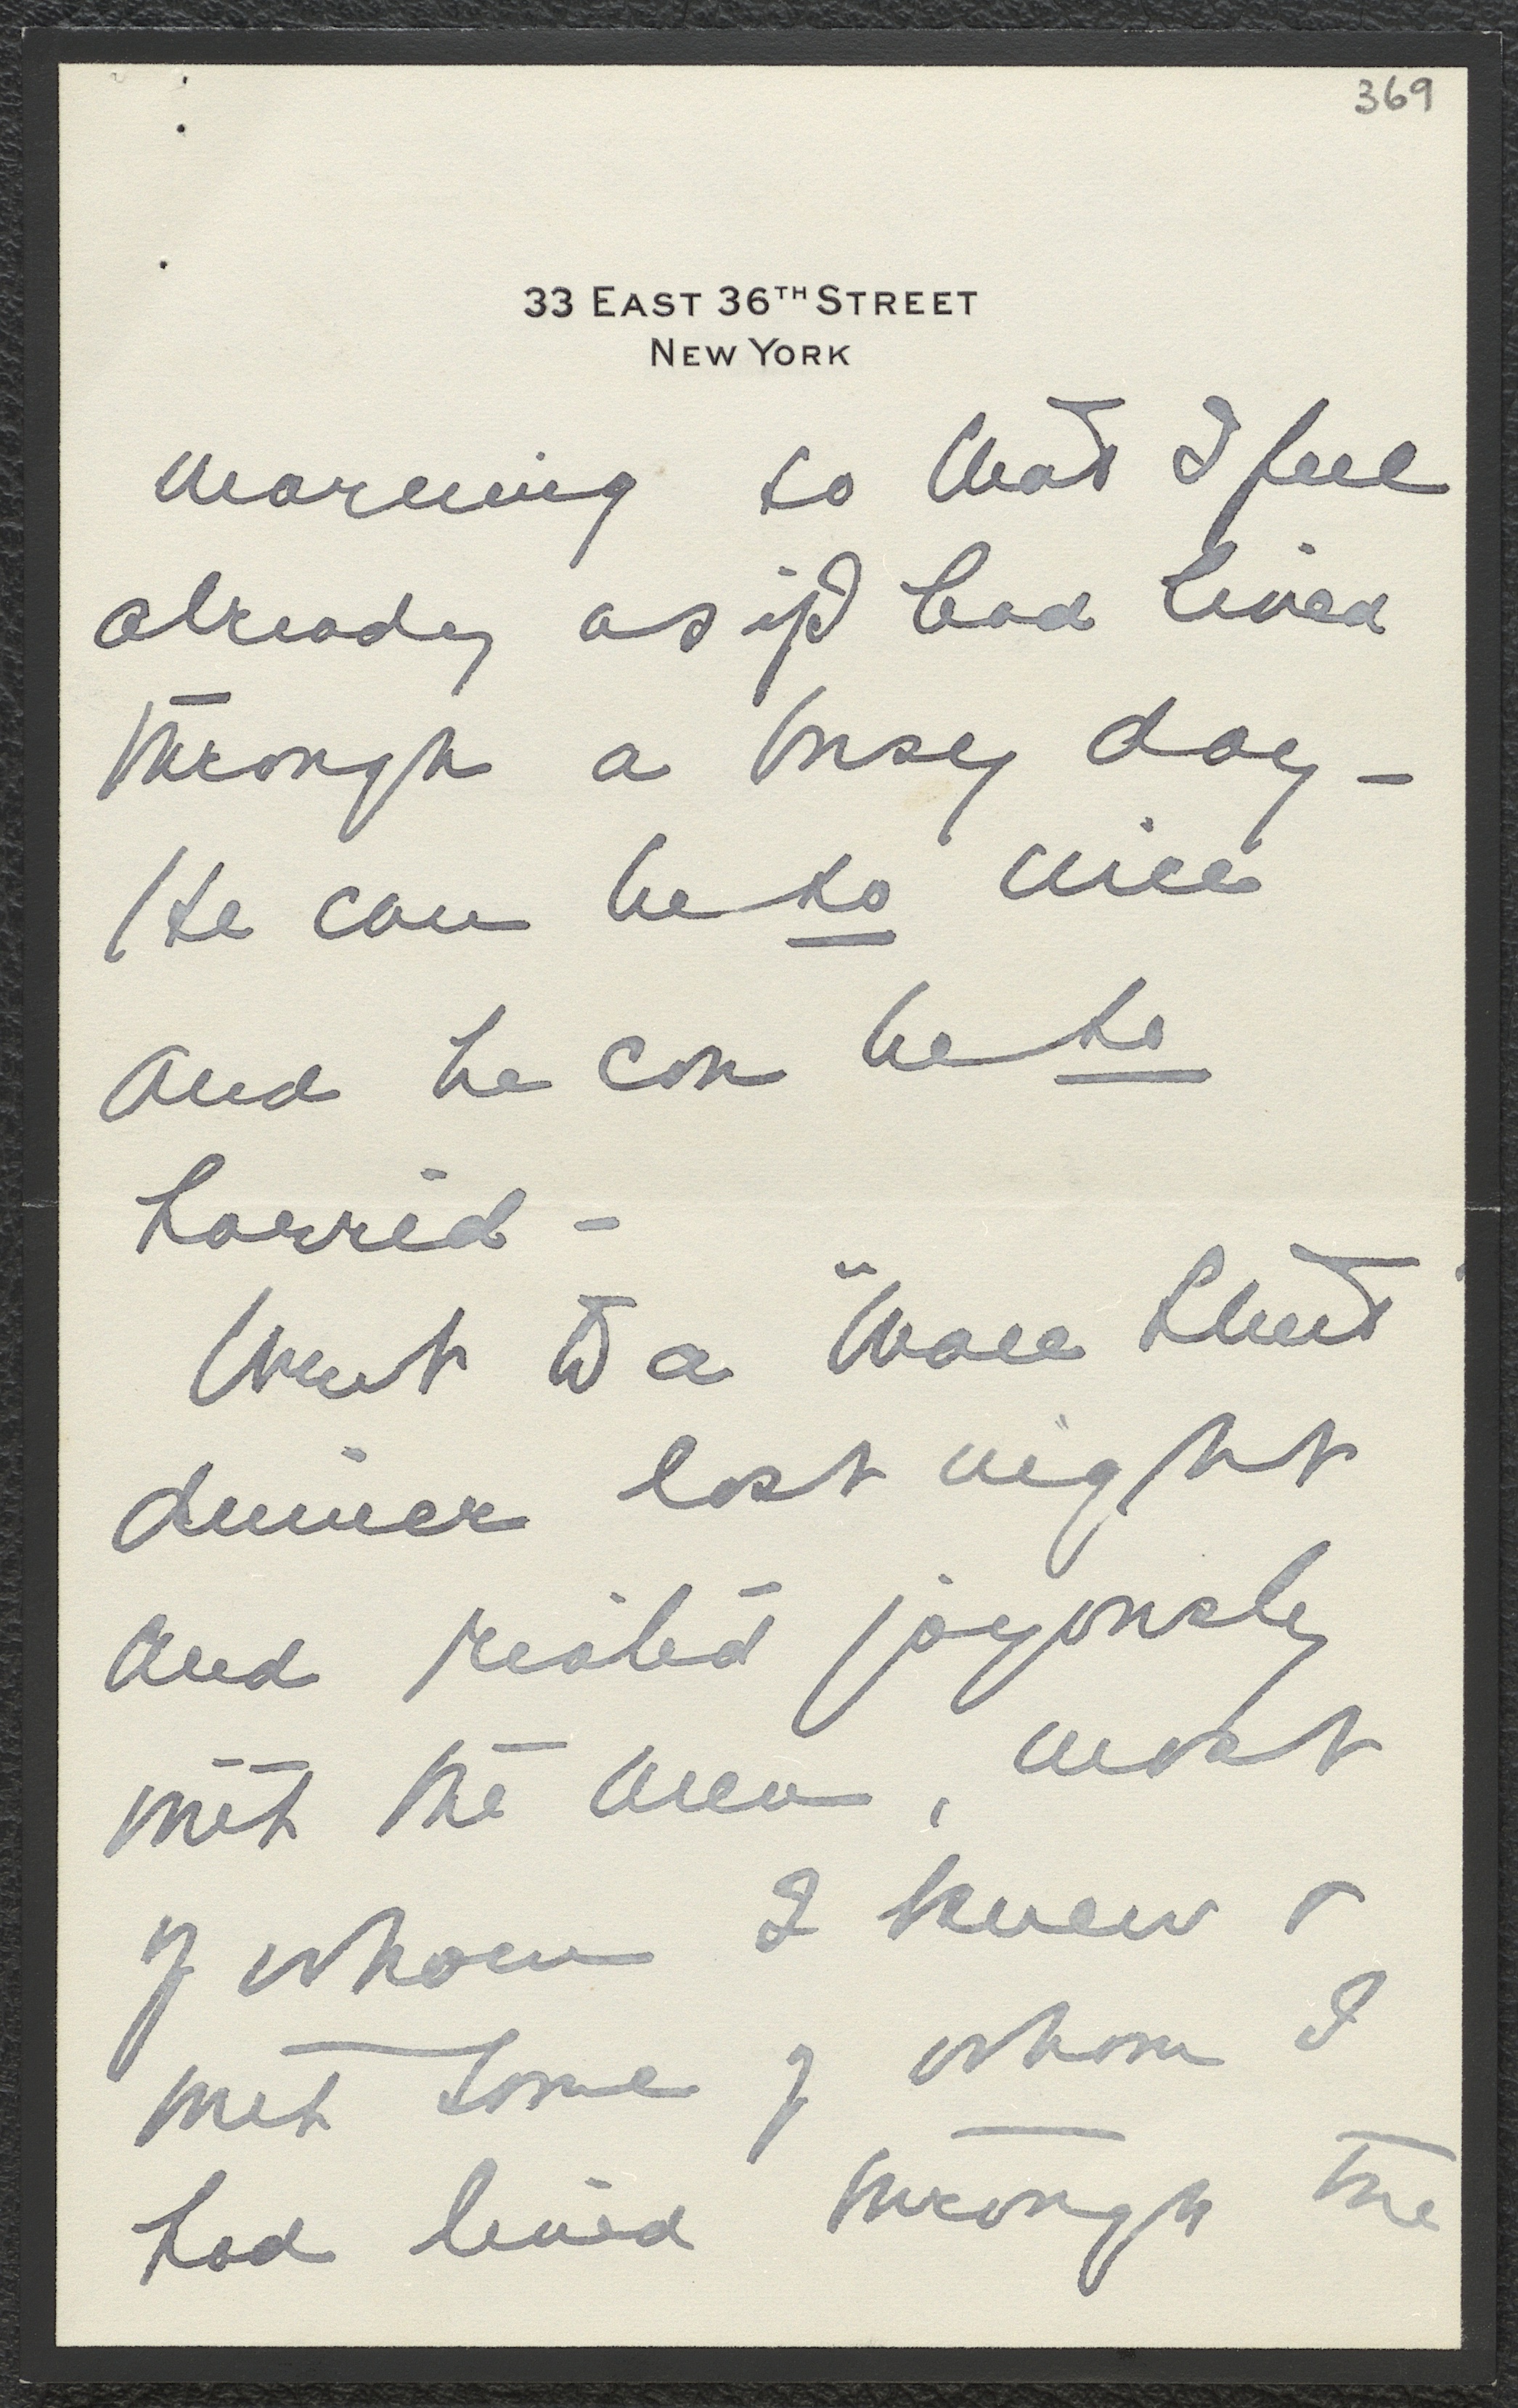morning so that I feel already as if I had lived through a busy day –
He can be so nice and he can be so harried –
Went to a “Wall Street” dinner last night and rioted joyously with the men, most of whom I knew & with some of whom I had lived through the